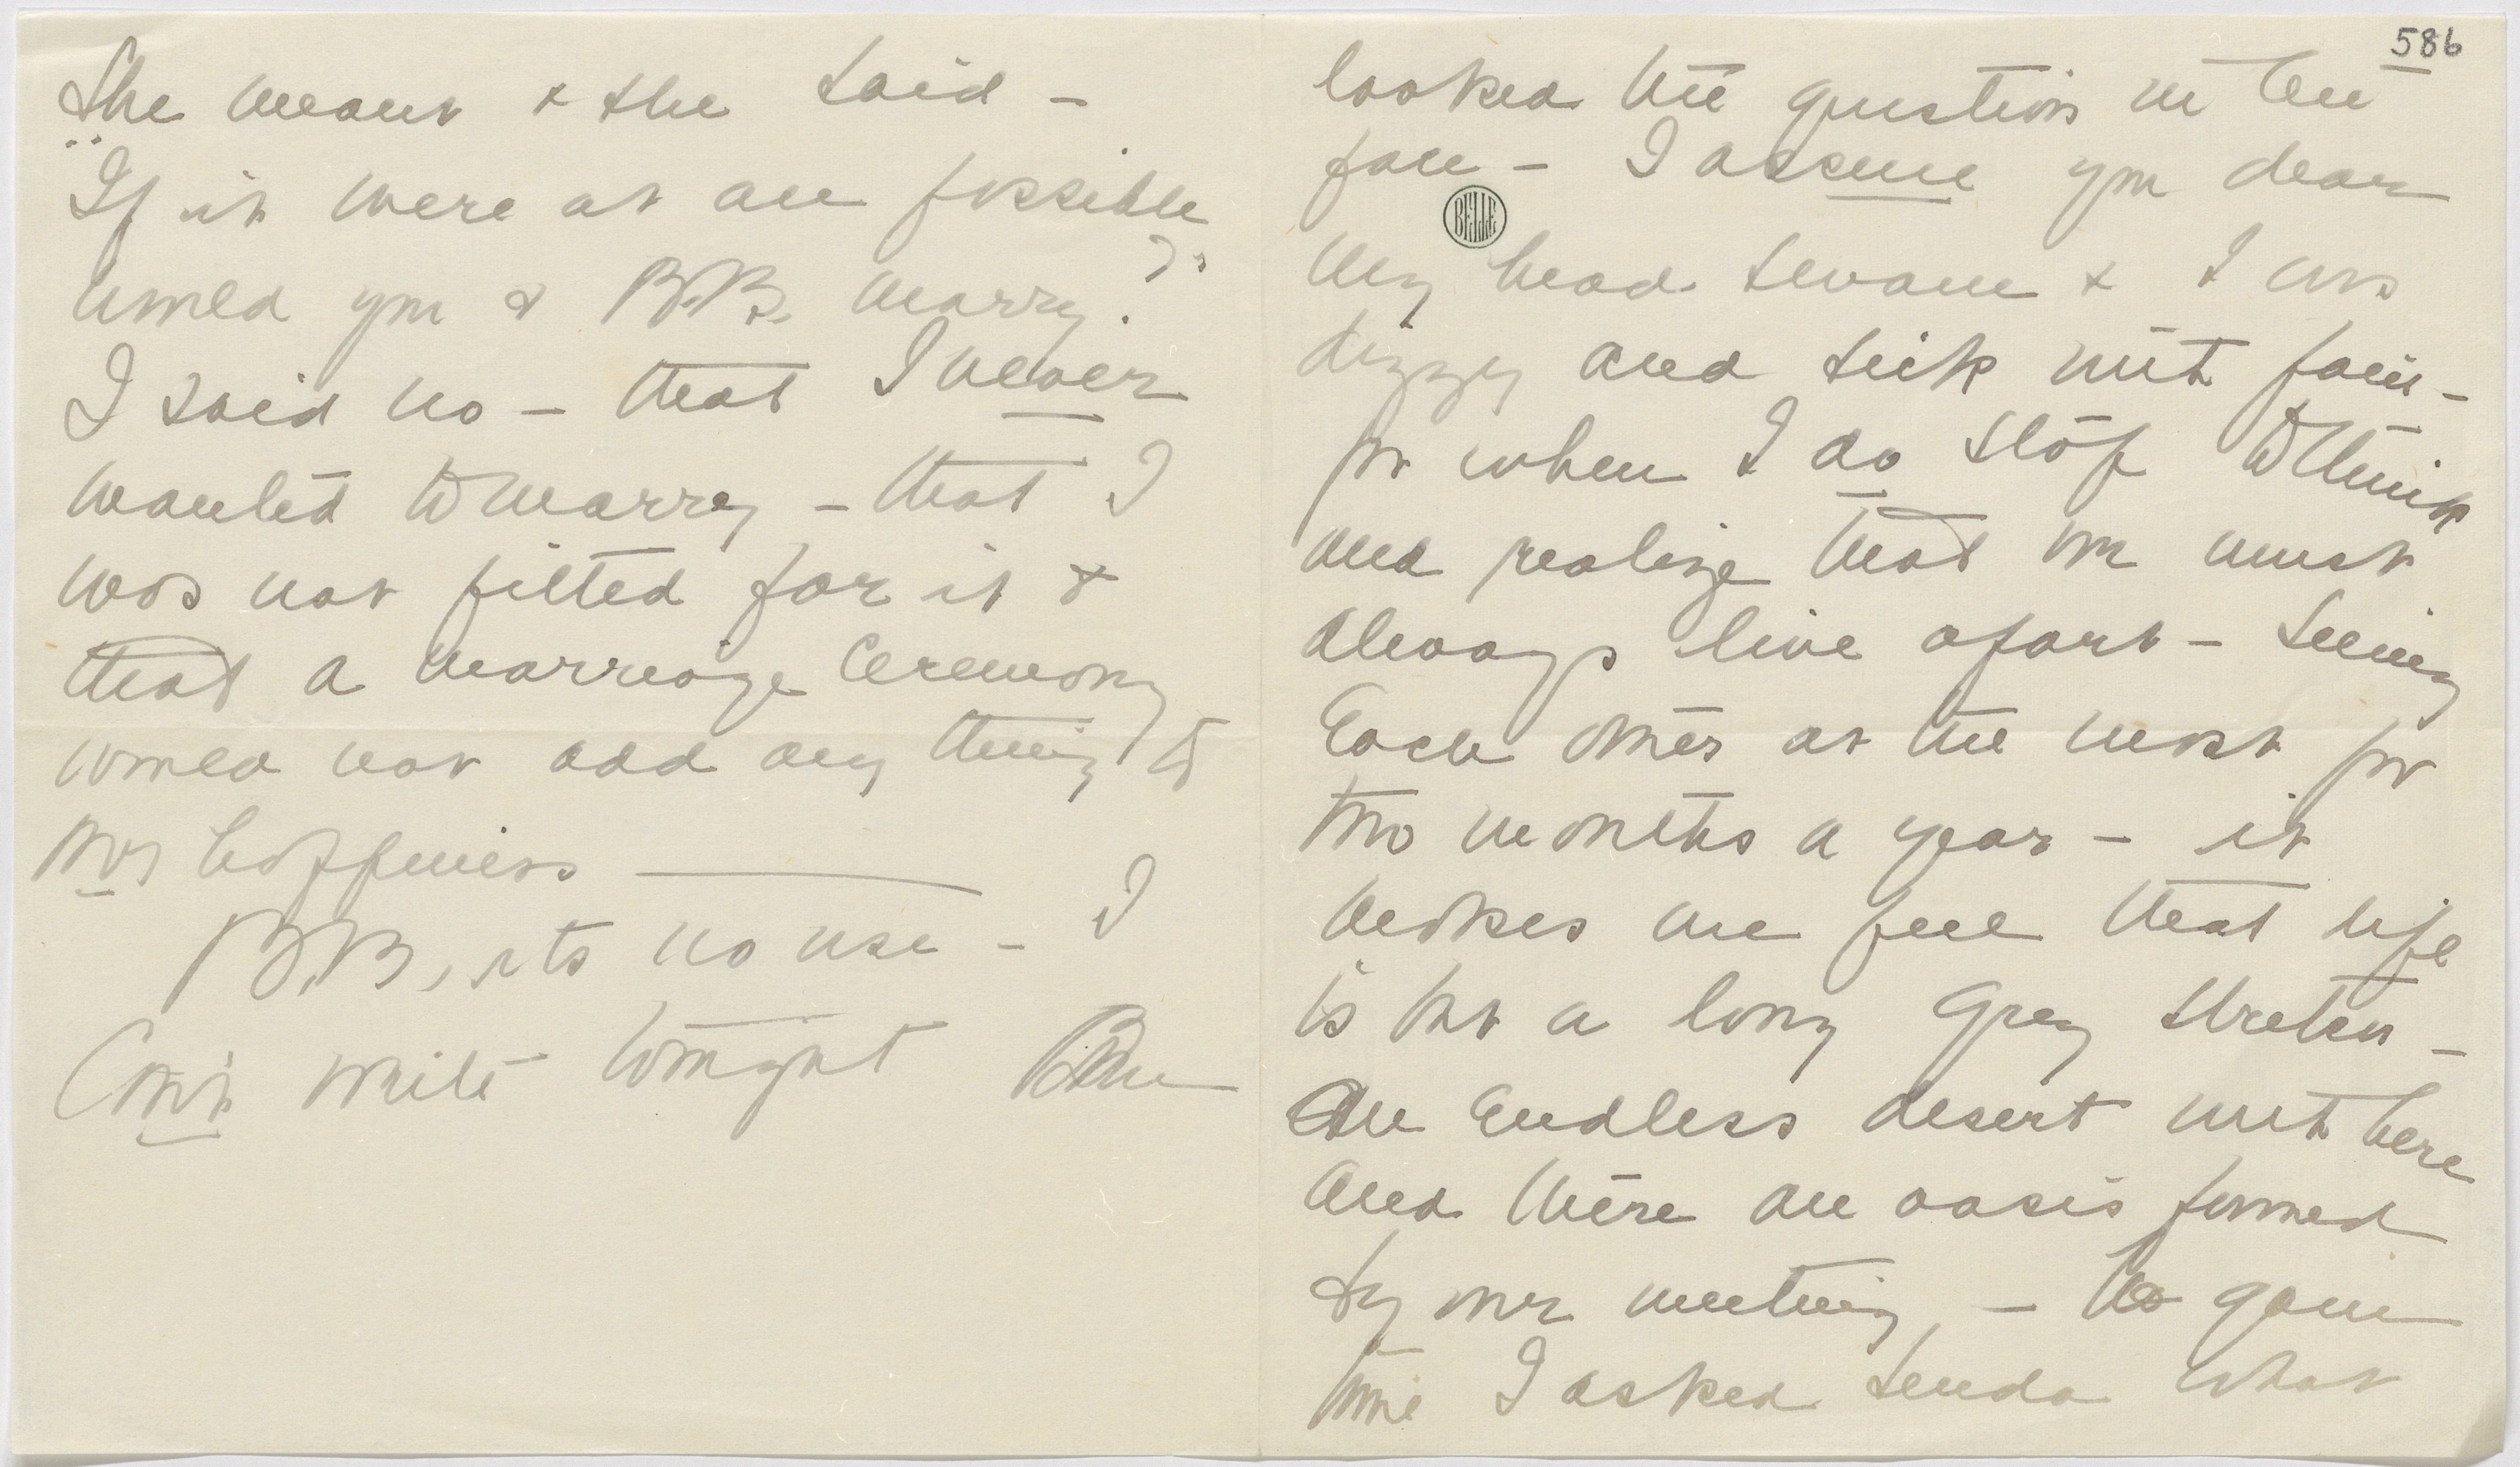looked the question in the face – I assure you dear my head swam & I was dizzy and sick with pain – for when I do stop to think and realize that we must always live apart – seeing each other at the most for two months a year – it makes me feel that life is but a long grey stretch – an endless desert with here and there an oasis found by our meeting – To gain time I asked Senda what
she meant & she said – “If it were at all possible would you & B. B. marry?” I said no – that I never wanted to marry – that I was not fitted for it & that a marriage ceremony would not add any thing to our happiness –
B. B. its [sic] no use – I can’t write tonight Belle